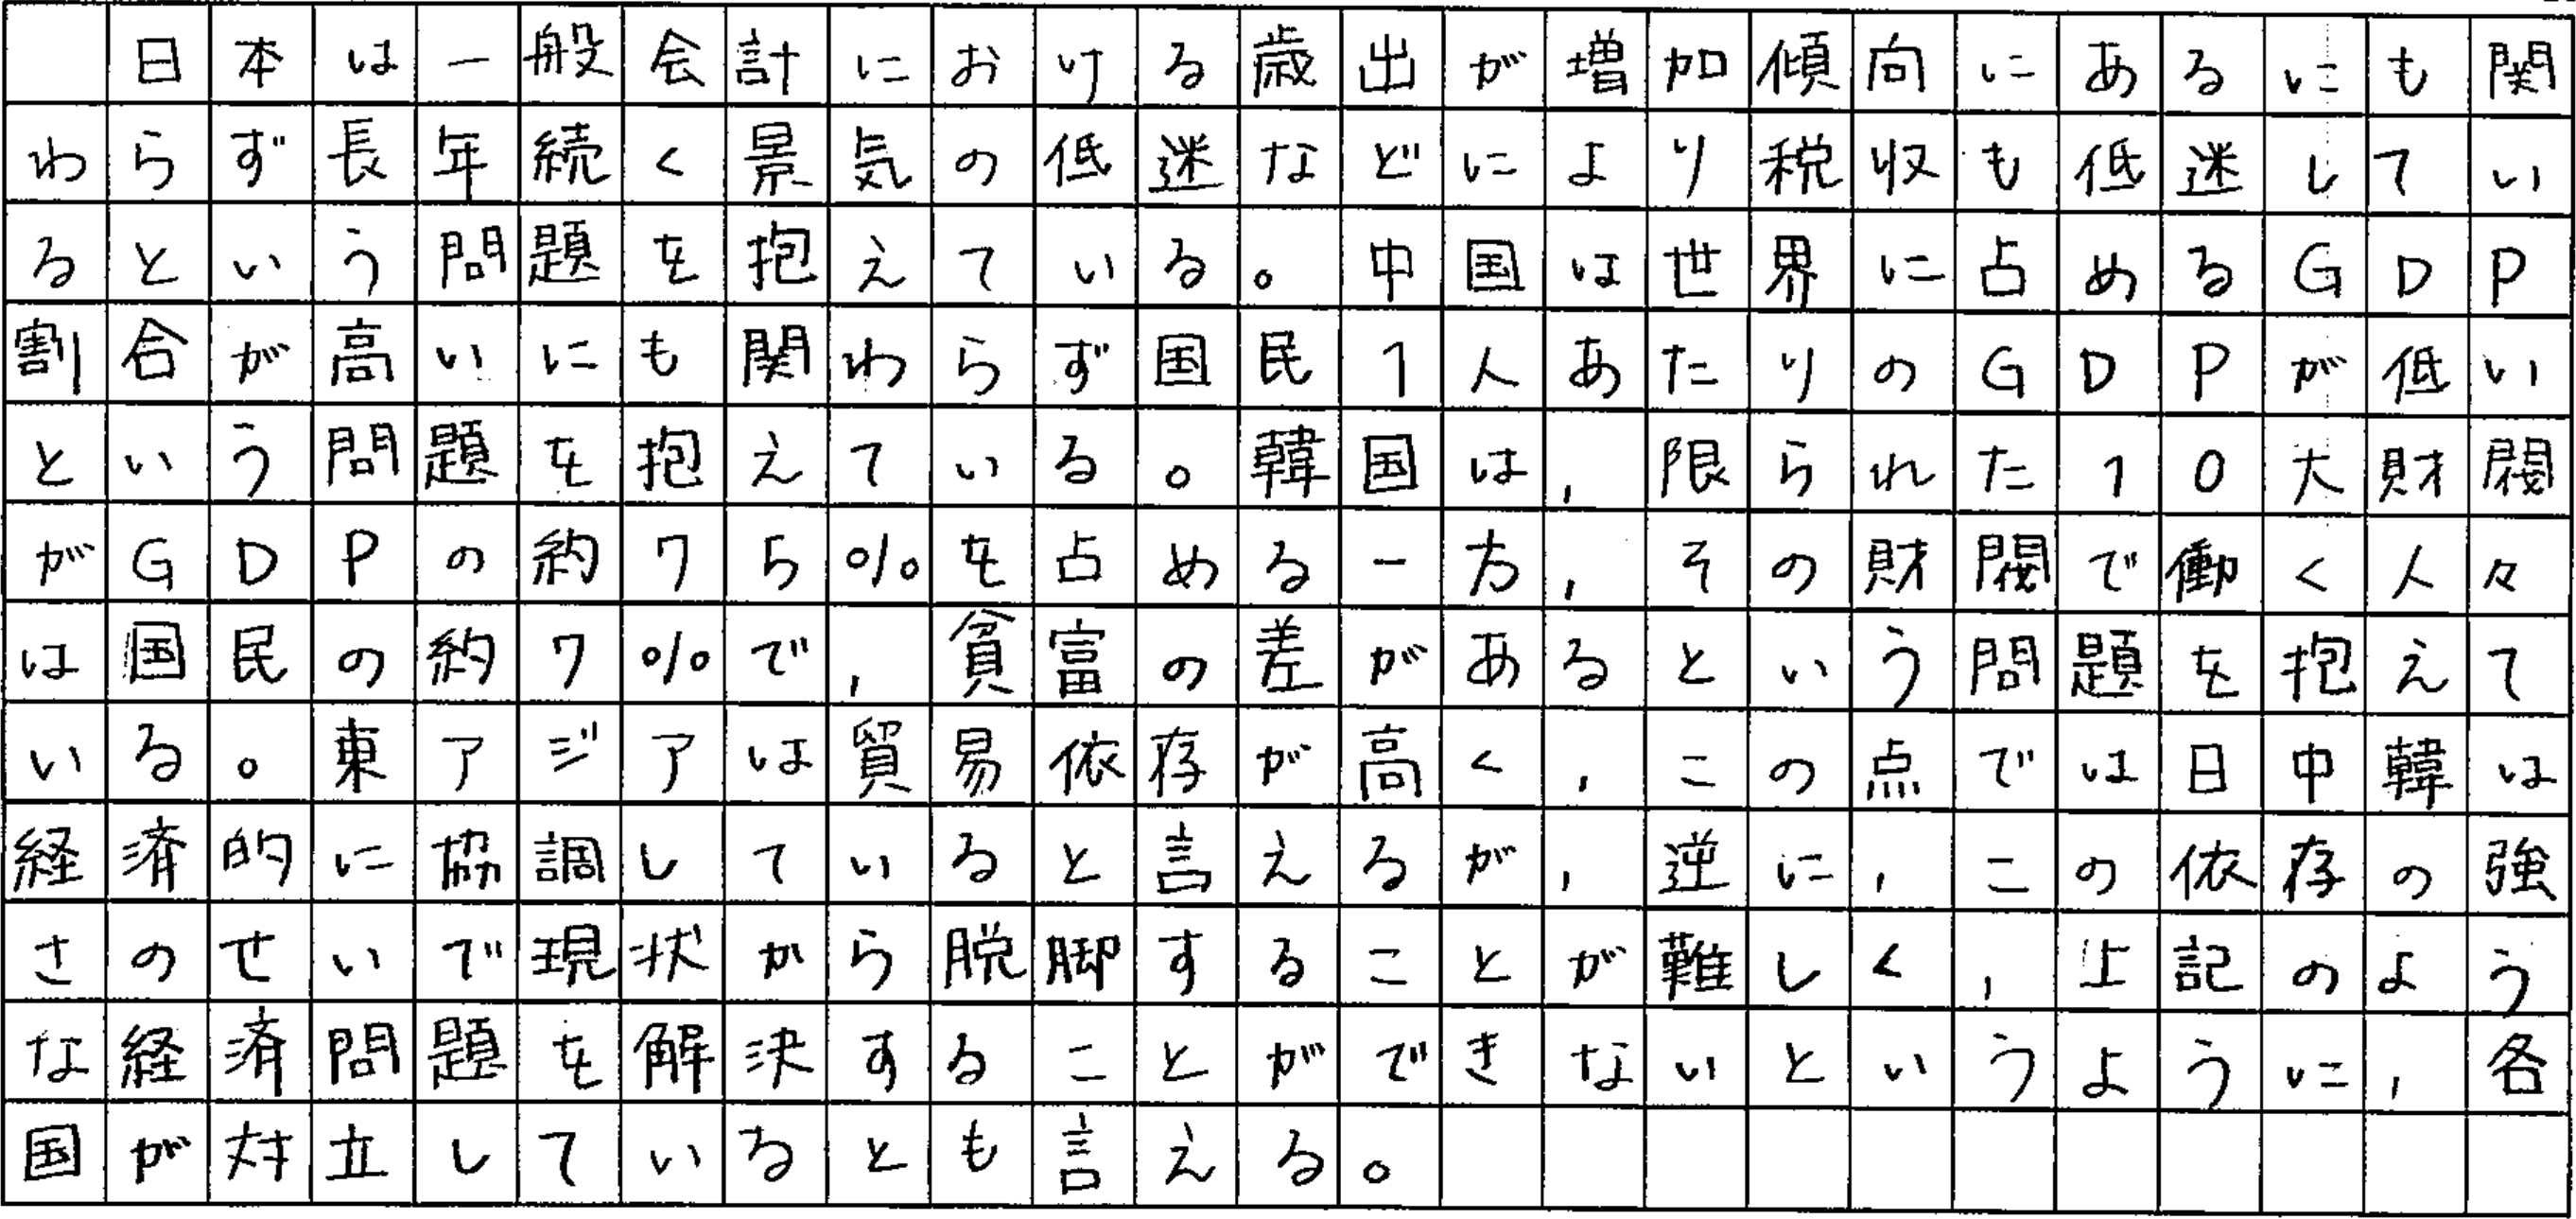　日本は一般会計における歳出が増加傾向にあるにも関わらず長年続く景気の低迷などにより税収も低迷しているという問題を抱えている。中国は世界に占めるＧＤＰ割合が高いにも関わらず国民１人あたりのＧＤＰが低いという問題を抱えている。韓国は，限られた１０大財閥がＧＤＰの約７５％を占める一方，その財閥で働く人々は国民の約７％で，貧富の差があるという問題を抱えている。東アジアは貿易依存が高く，この点では日中韓は経済的に協調していると言えるが，逆に，この依存の強さのせいで現状から脱脚することが難しく，上記のような経済問題を解決することができないというように，各国が対立しているとも言える。
